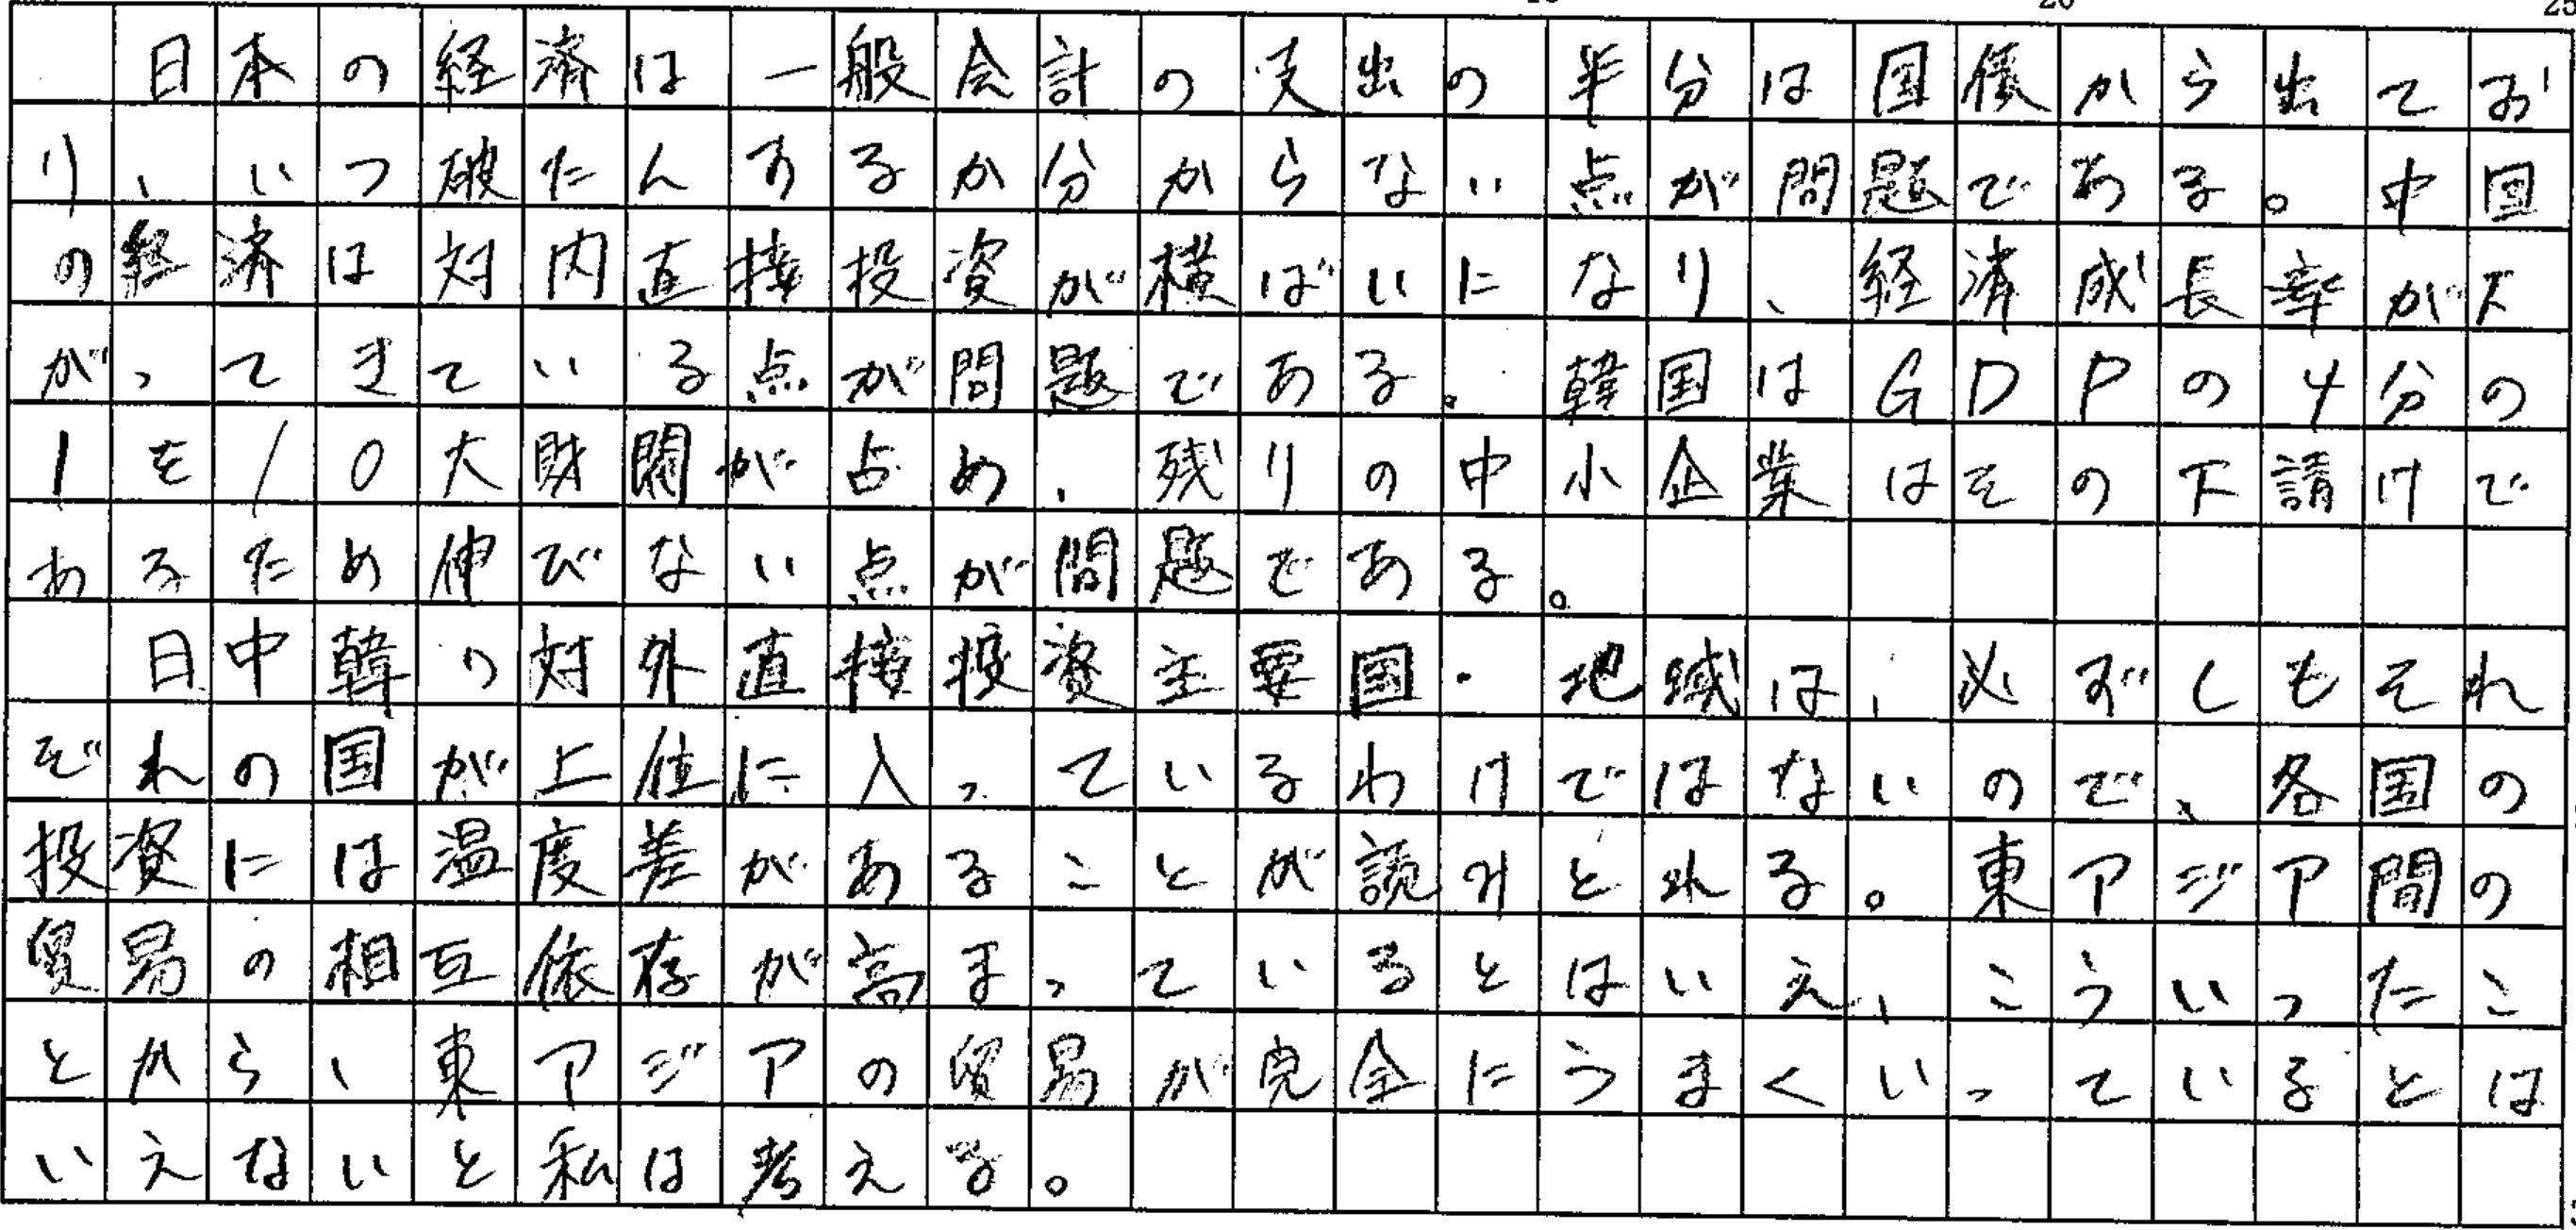　日本の経済は一般会計の支出の半分は国債から出ており、いつ破たんするか分からない点が問題である。中国の経済は対内直接投資が横ばいになり、経済成長率が下がってきている点が問題である。韓国はＧＤＰの４分の１を１０大財閥が占め、残りの中小企業はその下請けであるため伸びない点が問題である。
　日中韓の対外直接投資主要国・地域は、必ずしもそれぞれの国が上位に入っているわけではないので、各国の投資には温度差があることが読みとれる。東アジア間の貿易の相互依存が高まっているとはいえ、こういったことから、東アジアの貿易が完全にうまくいっているとはいえないと私は考える。
